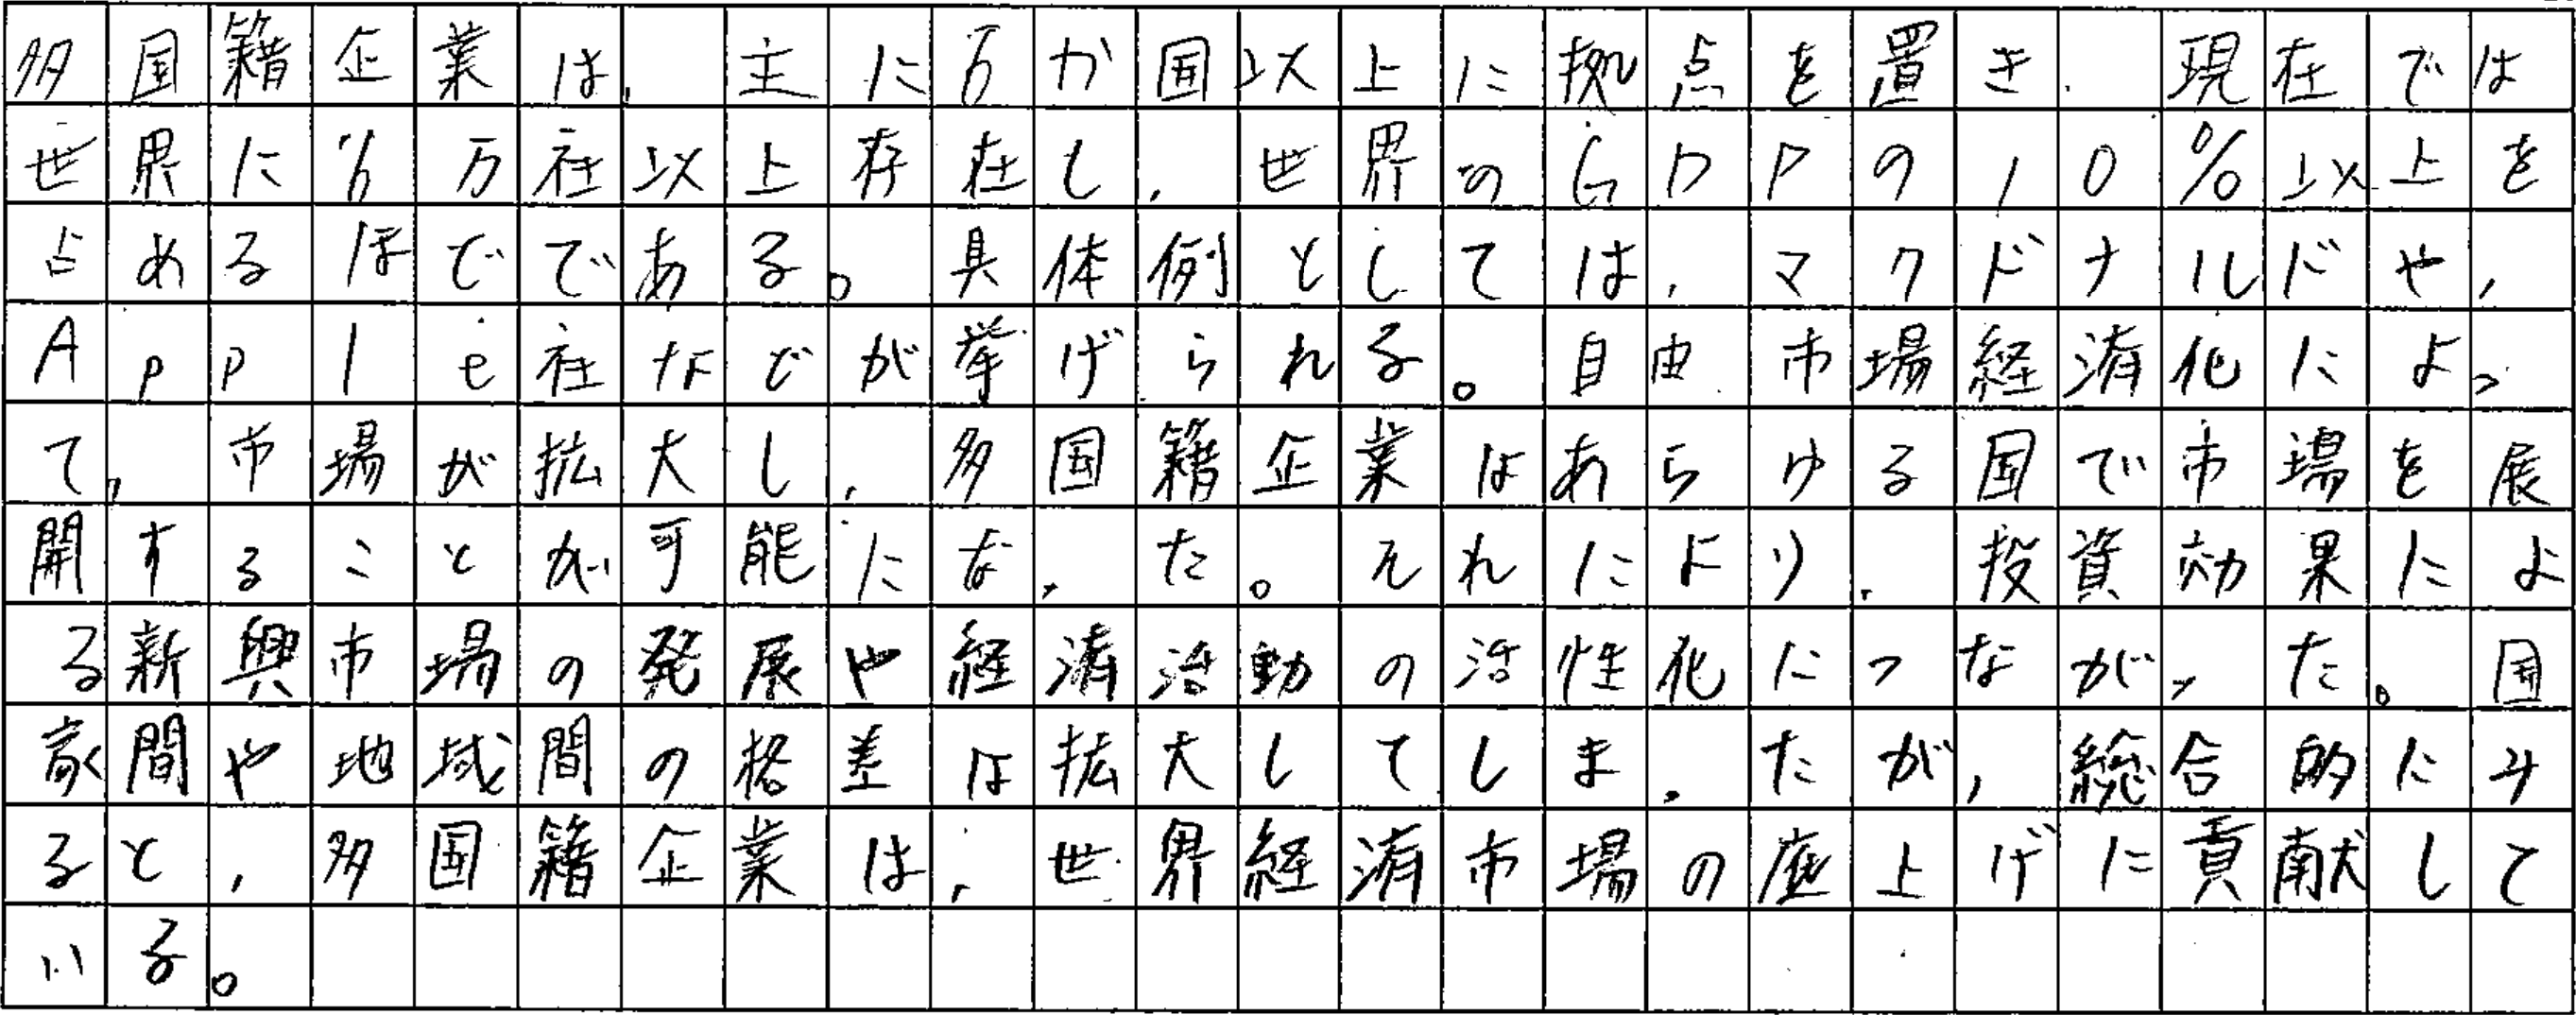多国籍企業は、主に６か国以上に拠点を置き、現在では世界に６万社以上存在し、世界のＧＤＰの１０％以上を占めるほどである。具体例としては、マクドナルドや、Ａｐｐｌｅ社などが挙げられる。自由市場経済化によって、市場が拡大し、多国籍企業はあらゆる国で市場を展開することが可能になった。それにより、投資効果による新興市場の発展や経済活動の活性化につながった。国家間や地域間の格差は拡大してしまったが、総合的にみると、多国籍企業は、世界経済市場の底上げに貢献している。
